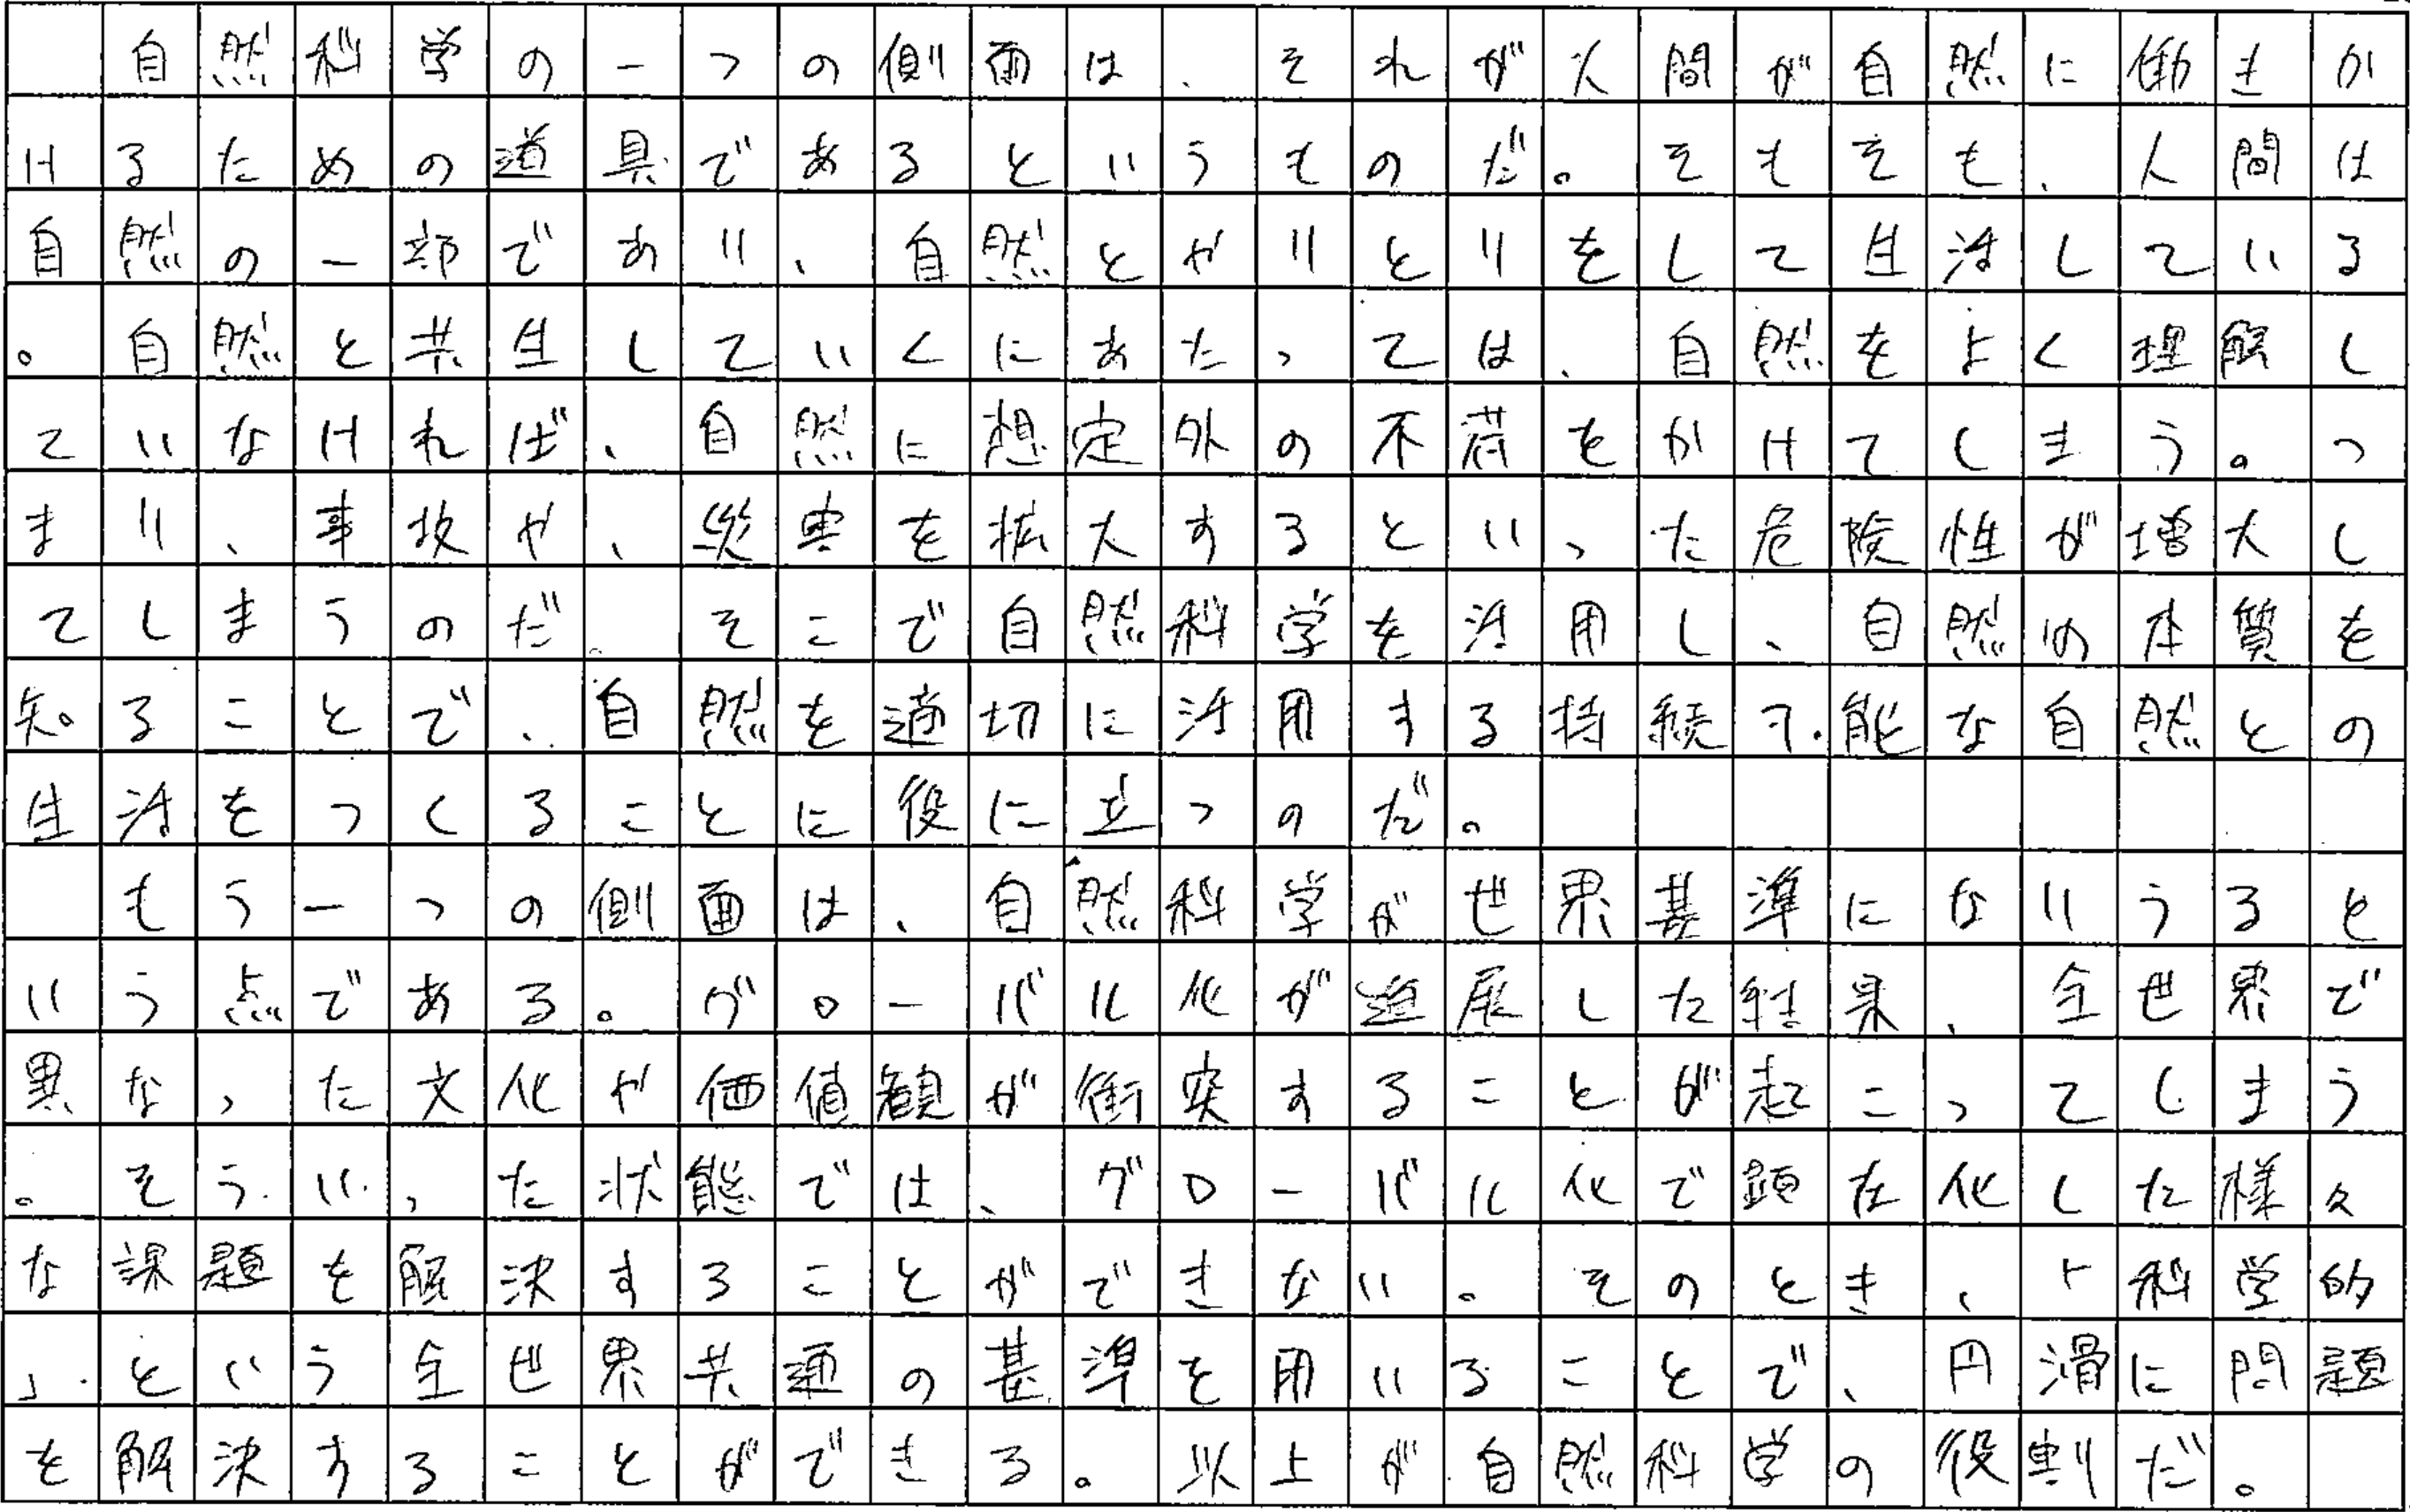　自然科学の一つの側面は、それが人間が自然に働きかけるための道具であるというものだ。そもそも、人間は自然の一部であり、自然とやりとりをして生活している。自然と共生していくにあたっては、自然をよく理解していなければ、自然に想定外の不荷をかけてしまう。つまり、事故や、災害を拡大するといった危険性が増大してしまうのだ。そこで自然科学を活用し、自然の本質を知ることで、自然を適切に活用する持続可能な自然との生活をつくることに役に立つのだ。
　もう一つの側面は、自然科学が世界基準になりうるという点である。グローバル化が進展した結果、全世界で異なった文化や価値観が衝突することが起こってしまう。そういった状態では、グローバル化で顕在化した様々な課題を解決することができない。そのとき、「科学的」という全世界共通の基準を用いることで、円滑に問題を解決することができる。以上が自然科学の役割だ。
